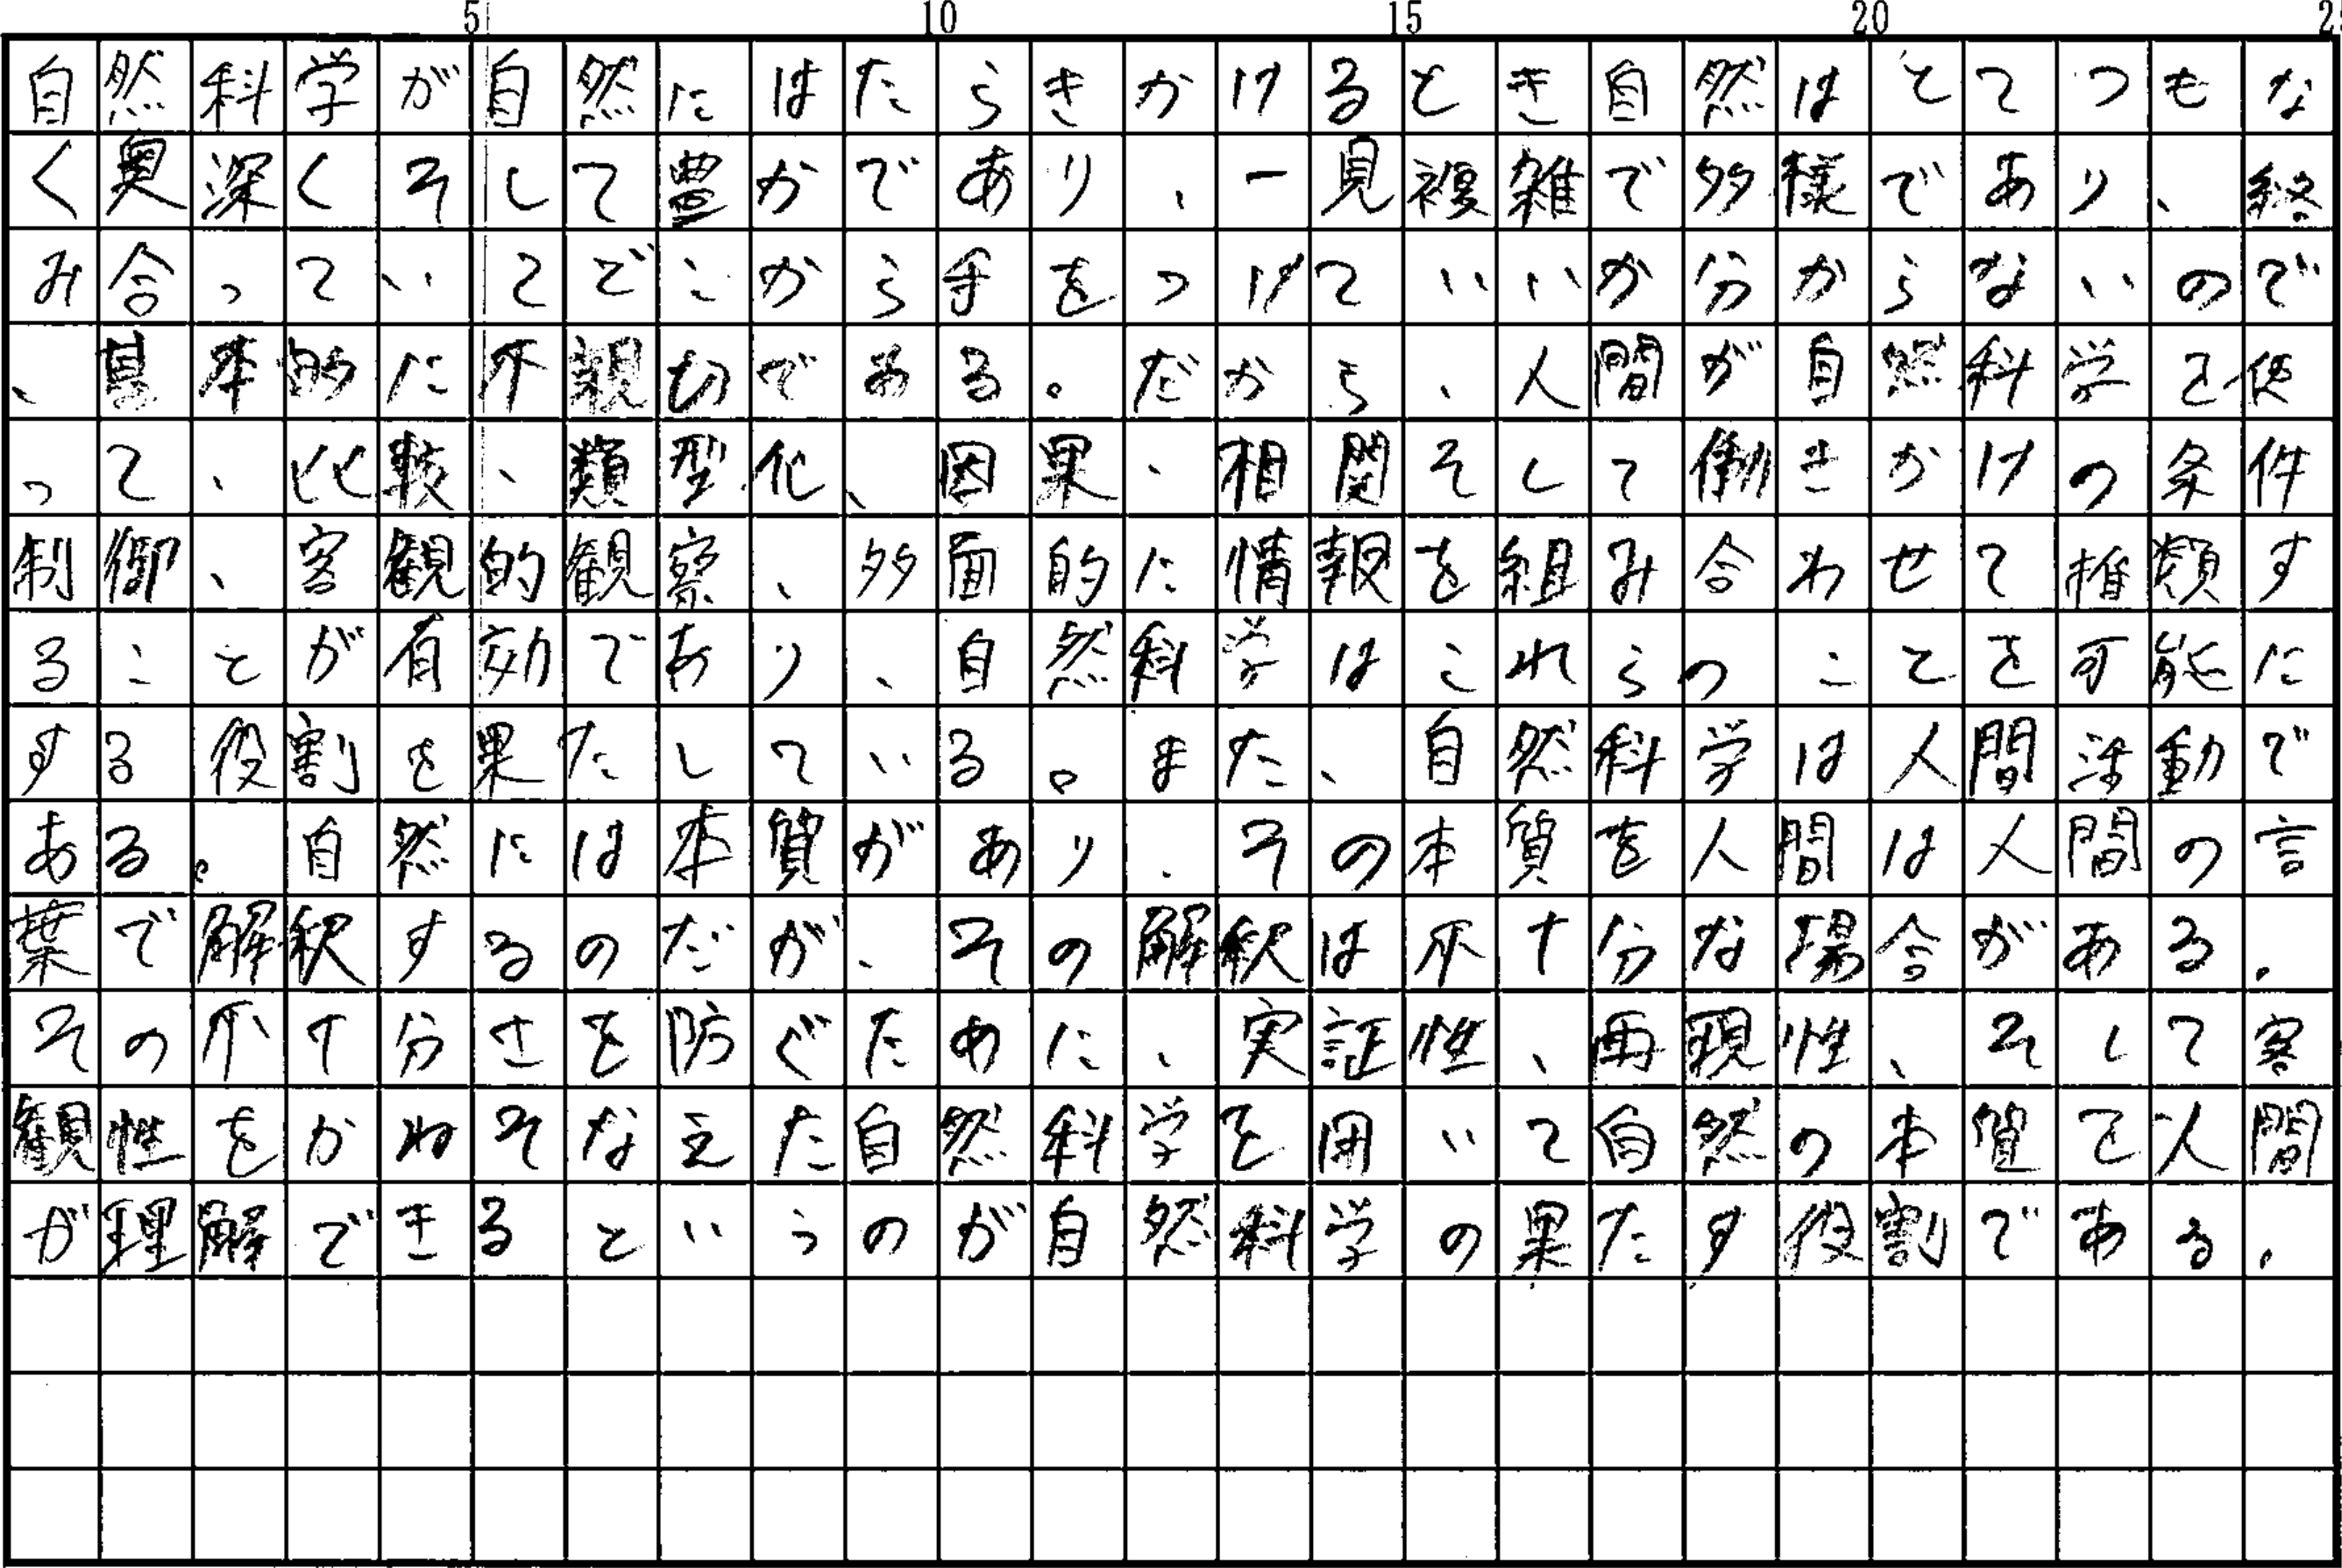自然科学が自然にはたらきかけるとき自然はとてつもなく奥深くそして豊かであり、一見複雑で多様であり、絡み合っていてどこから手をつけていいか分からないので、基本的に不親切である。だから、人間が自然科学を使って、比較・類型化、因果・相関そして働きかけの条件制御、客観的観察、多面的に情報を組み合わせて推類することが有効であり、自然科学はこれらのことを可能にする役割を果たしている。また、自然科学は人間活動である。自然には本質があり、その本質を人間は人間の言葉で解釈するのだが、その解釈は不十分な場合がある。その不十分さを防ぐために、実証性、再現性、そして客観性をかねそなえた自然科学を用いて自然の本質を人間が理解できるというのが自然科学の果たす役割である。
